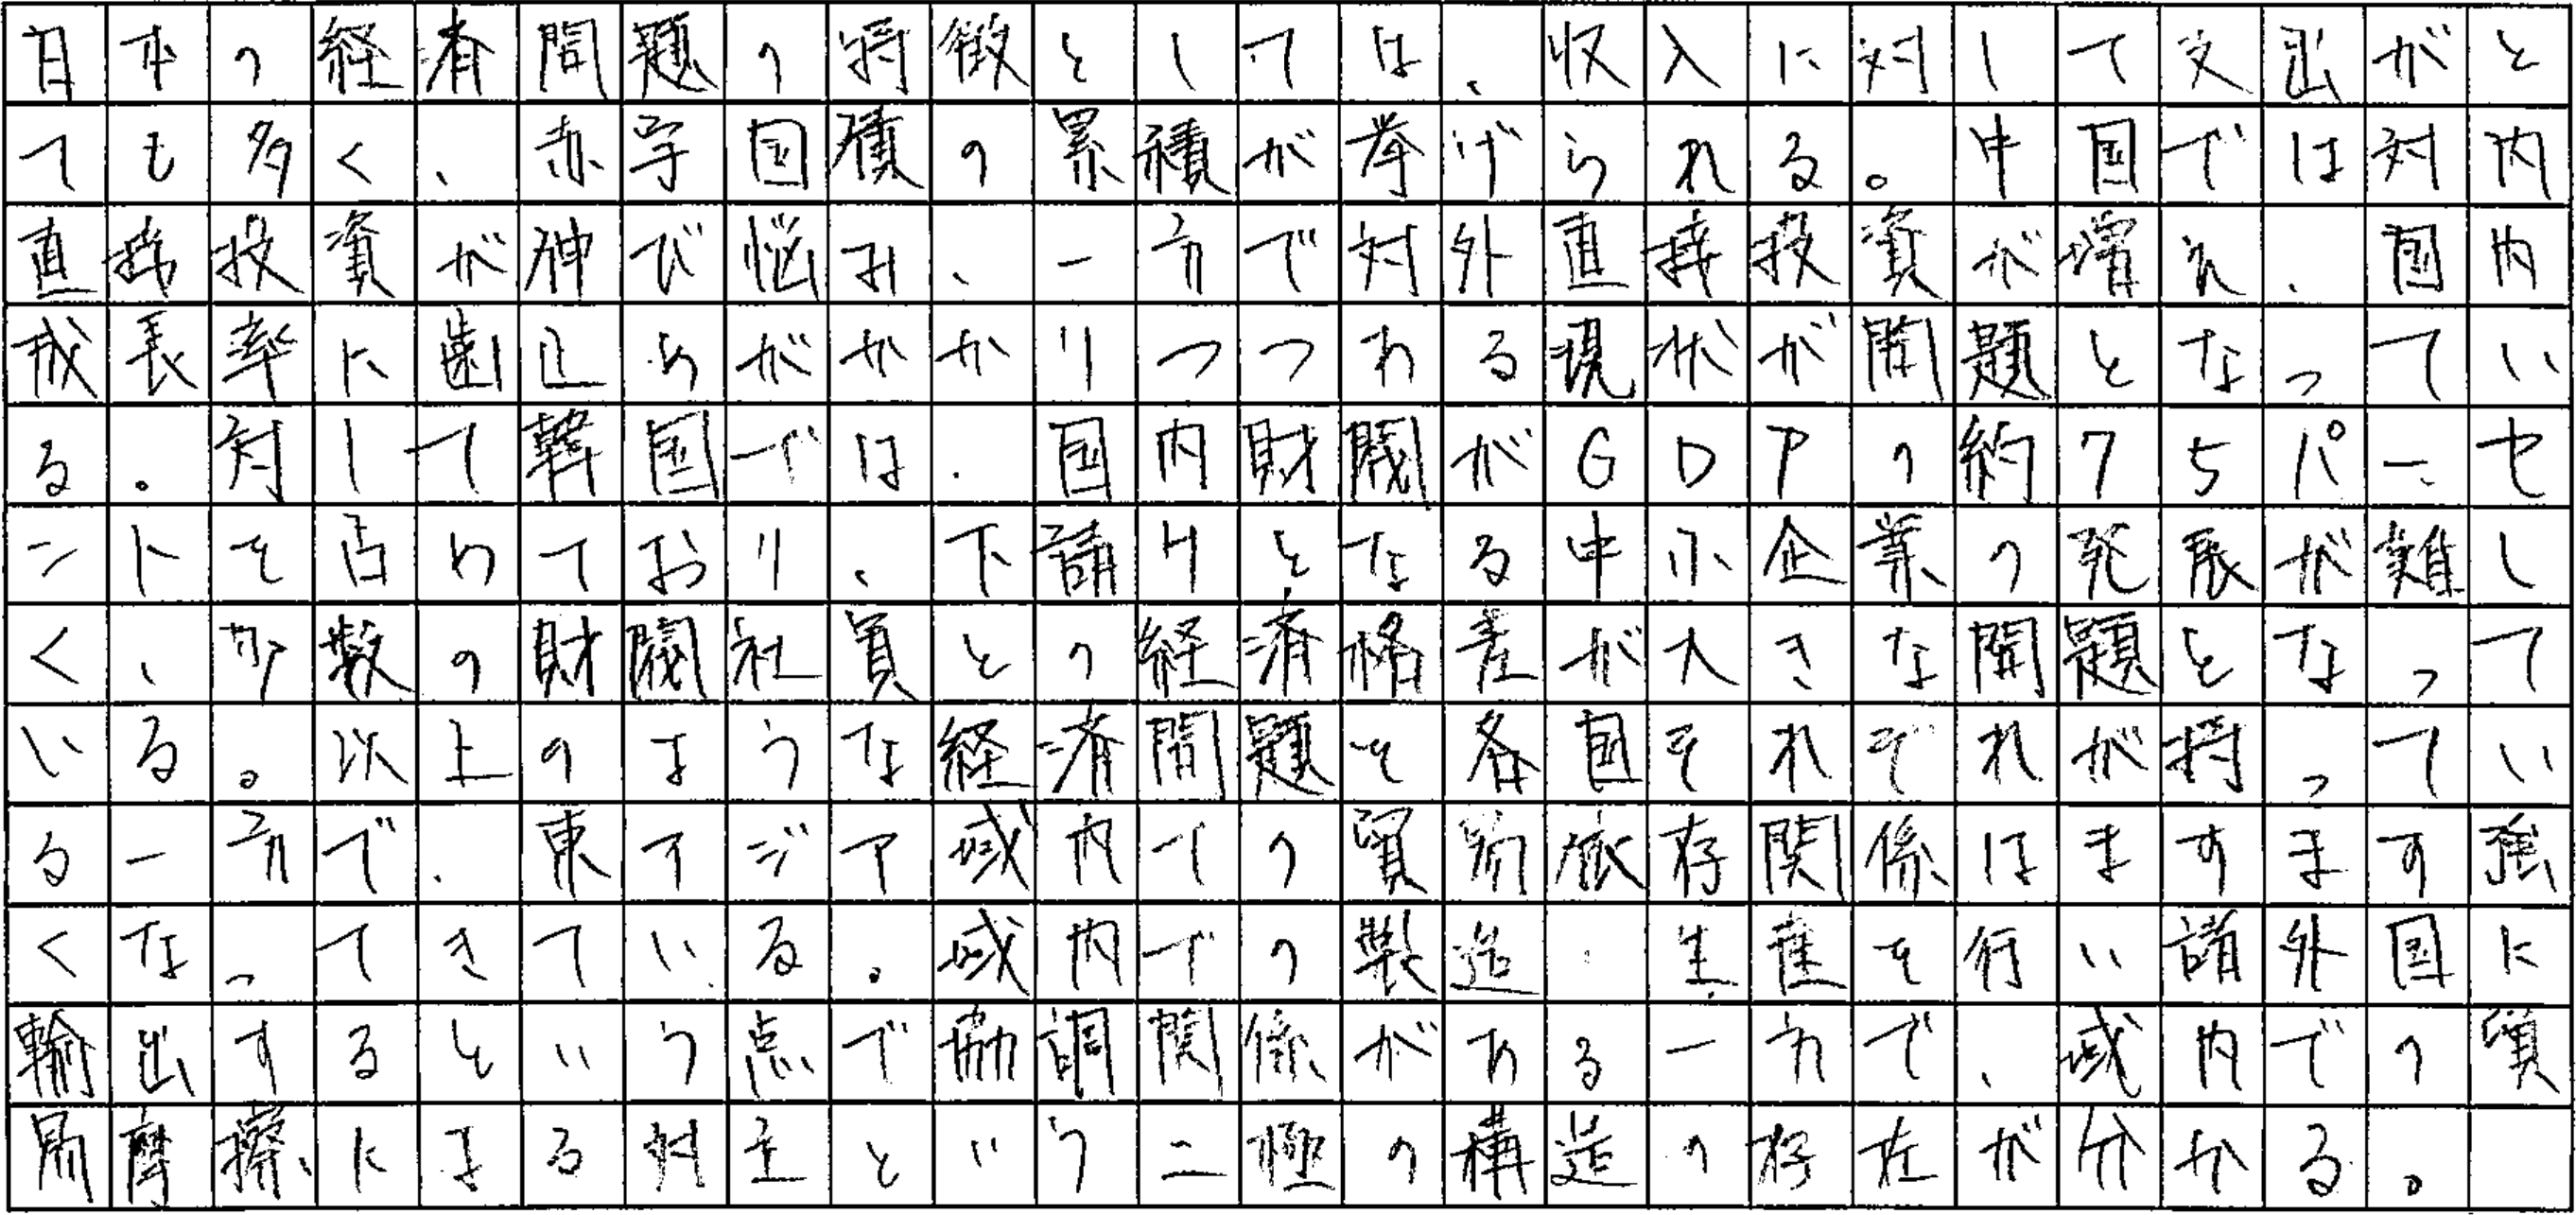日本の経済問題の特徴としては、収入に対して支出がとても多く、赤字国債の累積が挙げられる。中国では対内直接投資が伸び悩み、一方で対外直接投資が増え、国内成長率に歯止めがかかりつつある現状が問題となっている。対して韓国では、国内財閥がＧＤＰの約７５パーセントを占めており、下請けとなる中小企業の発展が難しく、少数の財閥社員との経済格差が大きな問題となっている。以上のような経済問題を各国それぞれが持っている一方で、東アジア域内での貿易依存関係はますます強くなってきている。域内での製造・生産を行い諸外国に輸出するという点で協調関係がある一方で、域内での貿易摩擦による対立という二極の構造の存在が分かる。
